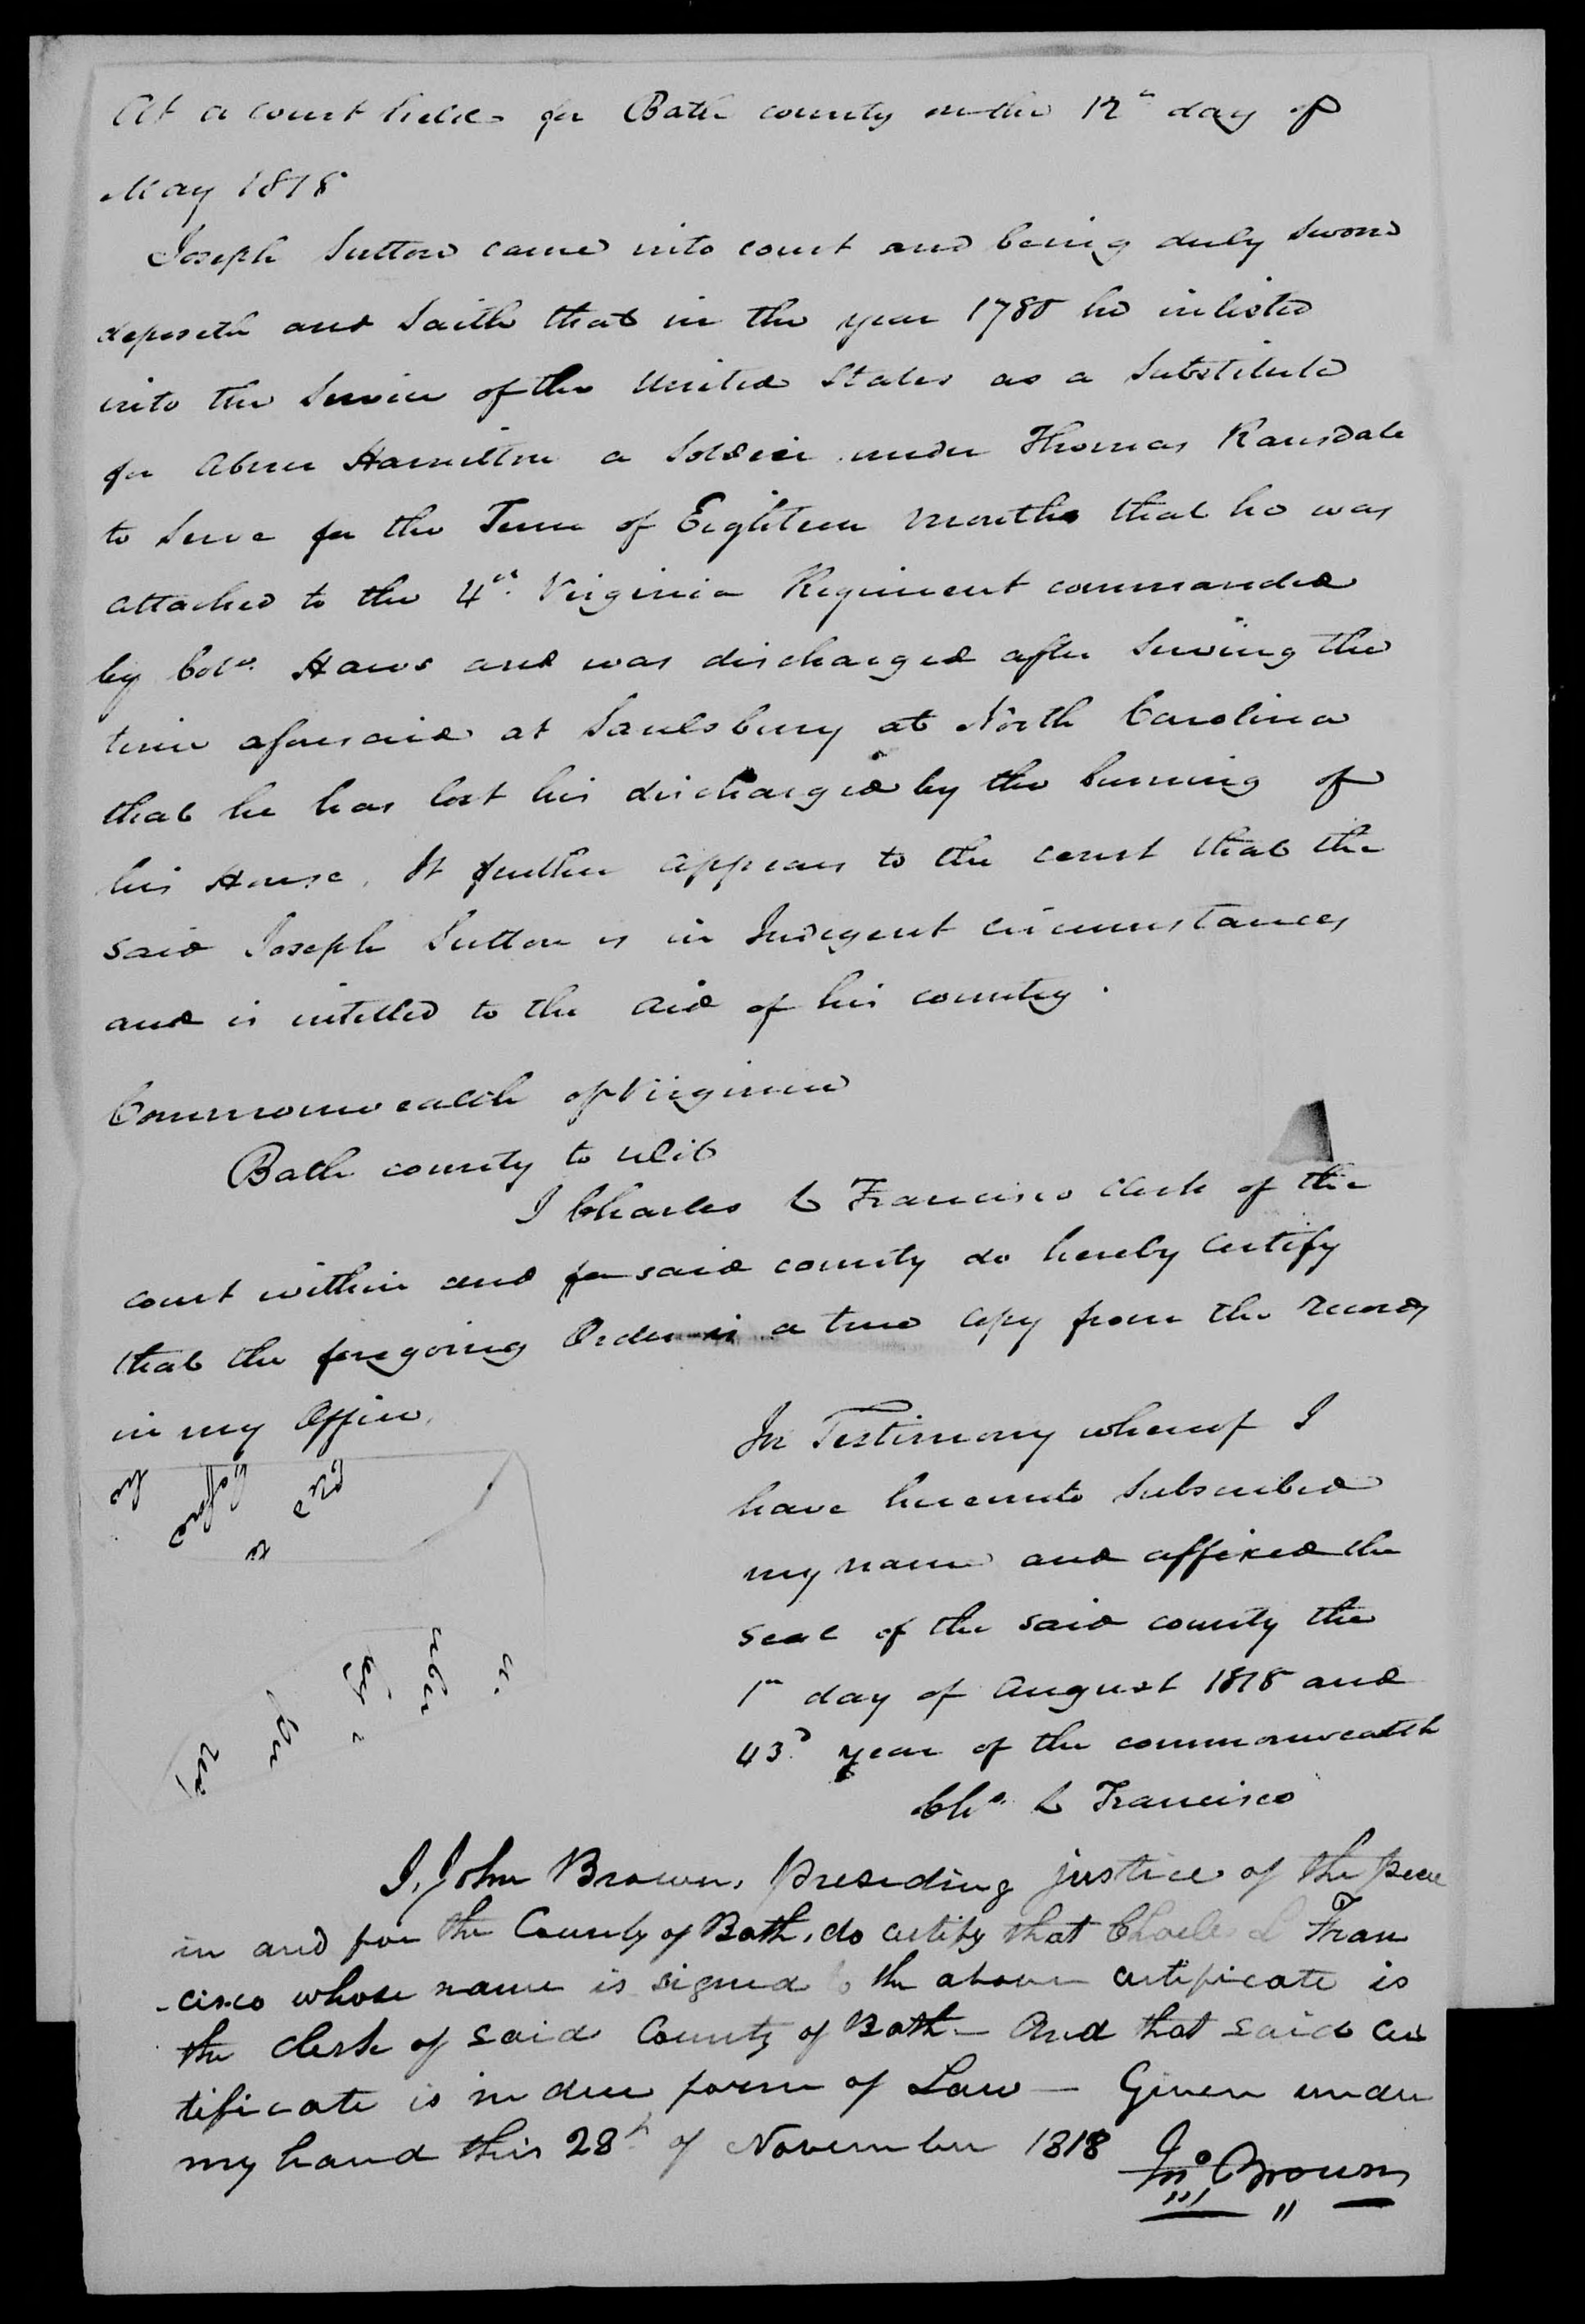At a court held for Bath County on the 12 day of May 1818.
Joseph Sutton came into court and being duly sworn deposeth and saith that in the year 1780 he enlisted into the service of the United States as a substitute for Abner Hamilton a soldier under Thomas Randal to serve for the term of eighteen months that he was attached to the 4th Virginia Regiment commanded by Colonel Hawes and was discharged after serving the time aforesaid at Saulsbury at North Carolina that he has lost his discharge by the servicing of his horse and further appears to the court that the said Joseph Sutton is in urgent circumstances and is entitled to the aid of his country.
Commonwealth of Virginia
Bath County to wit

I Clark L. Francis clerk of the court within and for said county do hereby certify that the foregoing  order is a true copy from the record in my office

In Testimony whereof I have hereunto subscribed my name and affixed the seal of the said county the 1st day of August 1818 and 43rd year of the Commonwealth.
Clark L. Francis

I John Brown presiding justice of the peace in and for the county of Bath do certify that Clark L. Francis whose name is singed to the above certificate is the clerk of said county of Bath and that said certificate is in due form of law given under my hand this 28th of November 1818.
John Brown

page: 8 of 21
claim: survivor's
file: S. 41223, for Joseph Sutton, Virginia